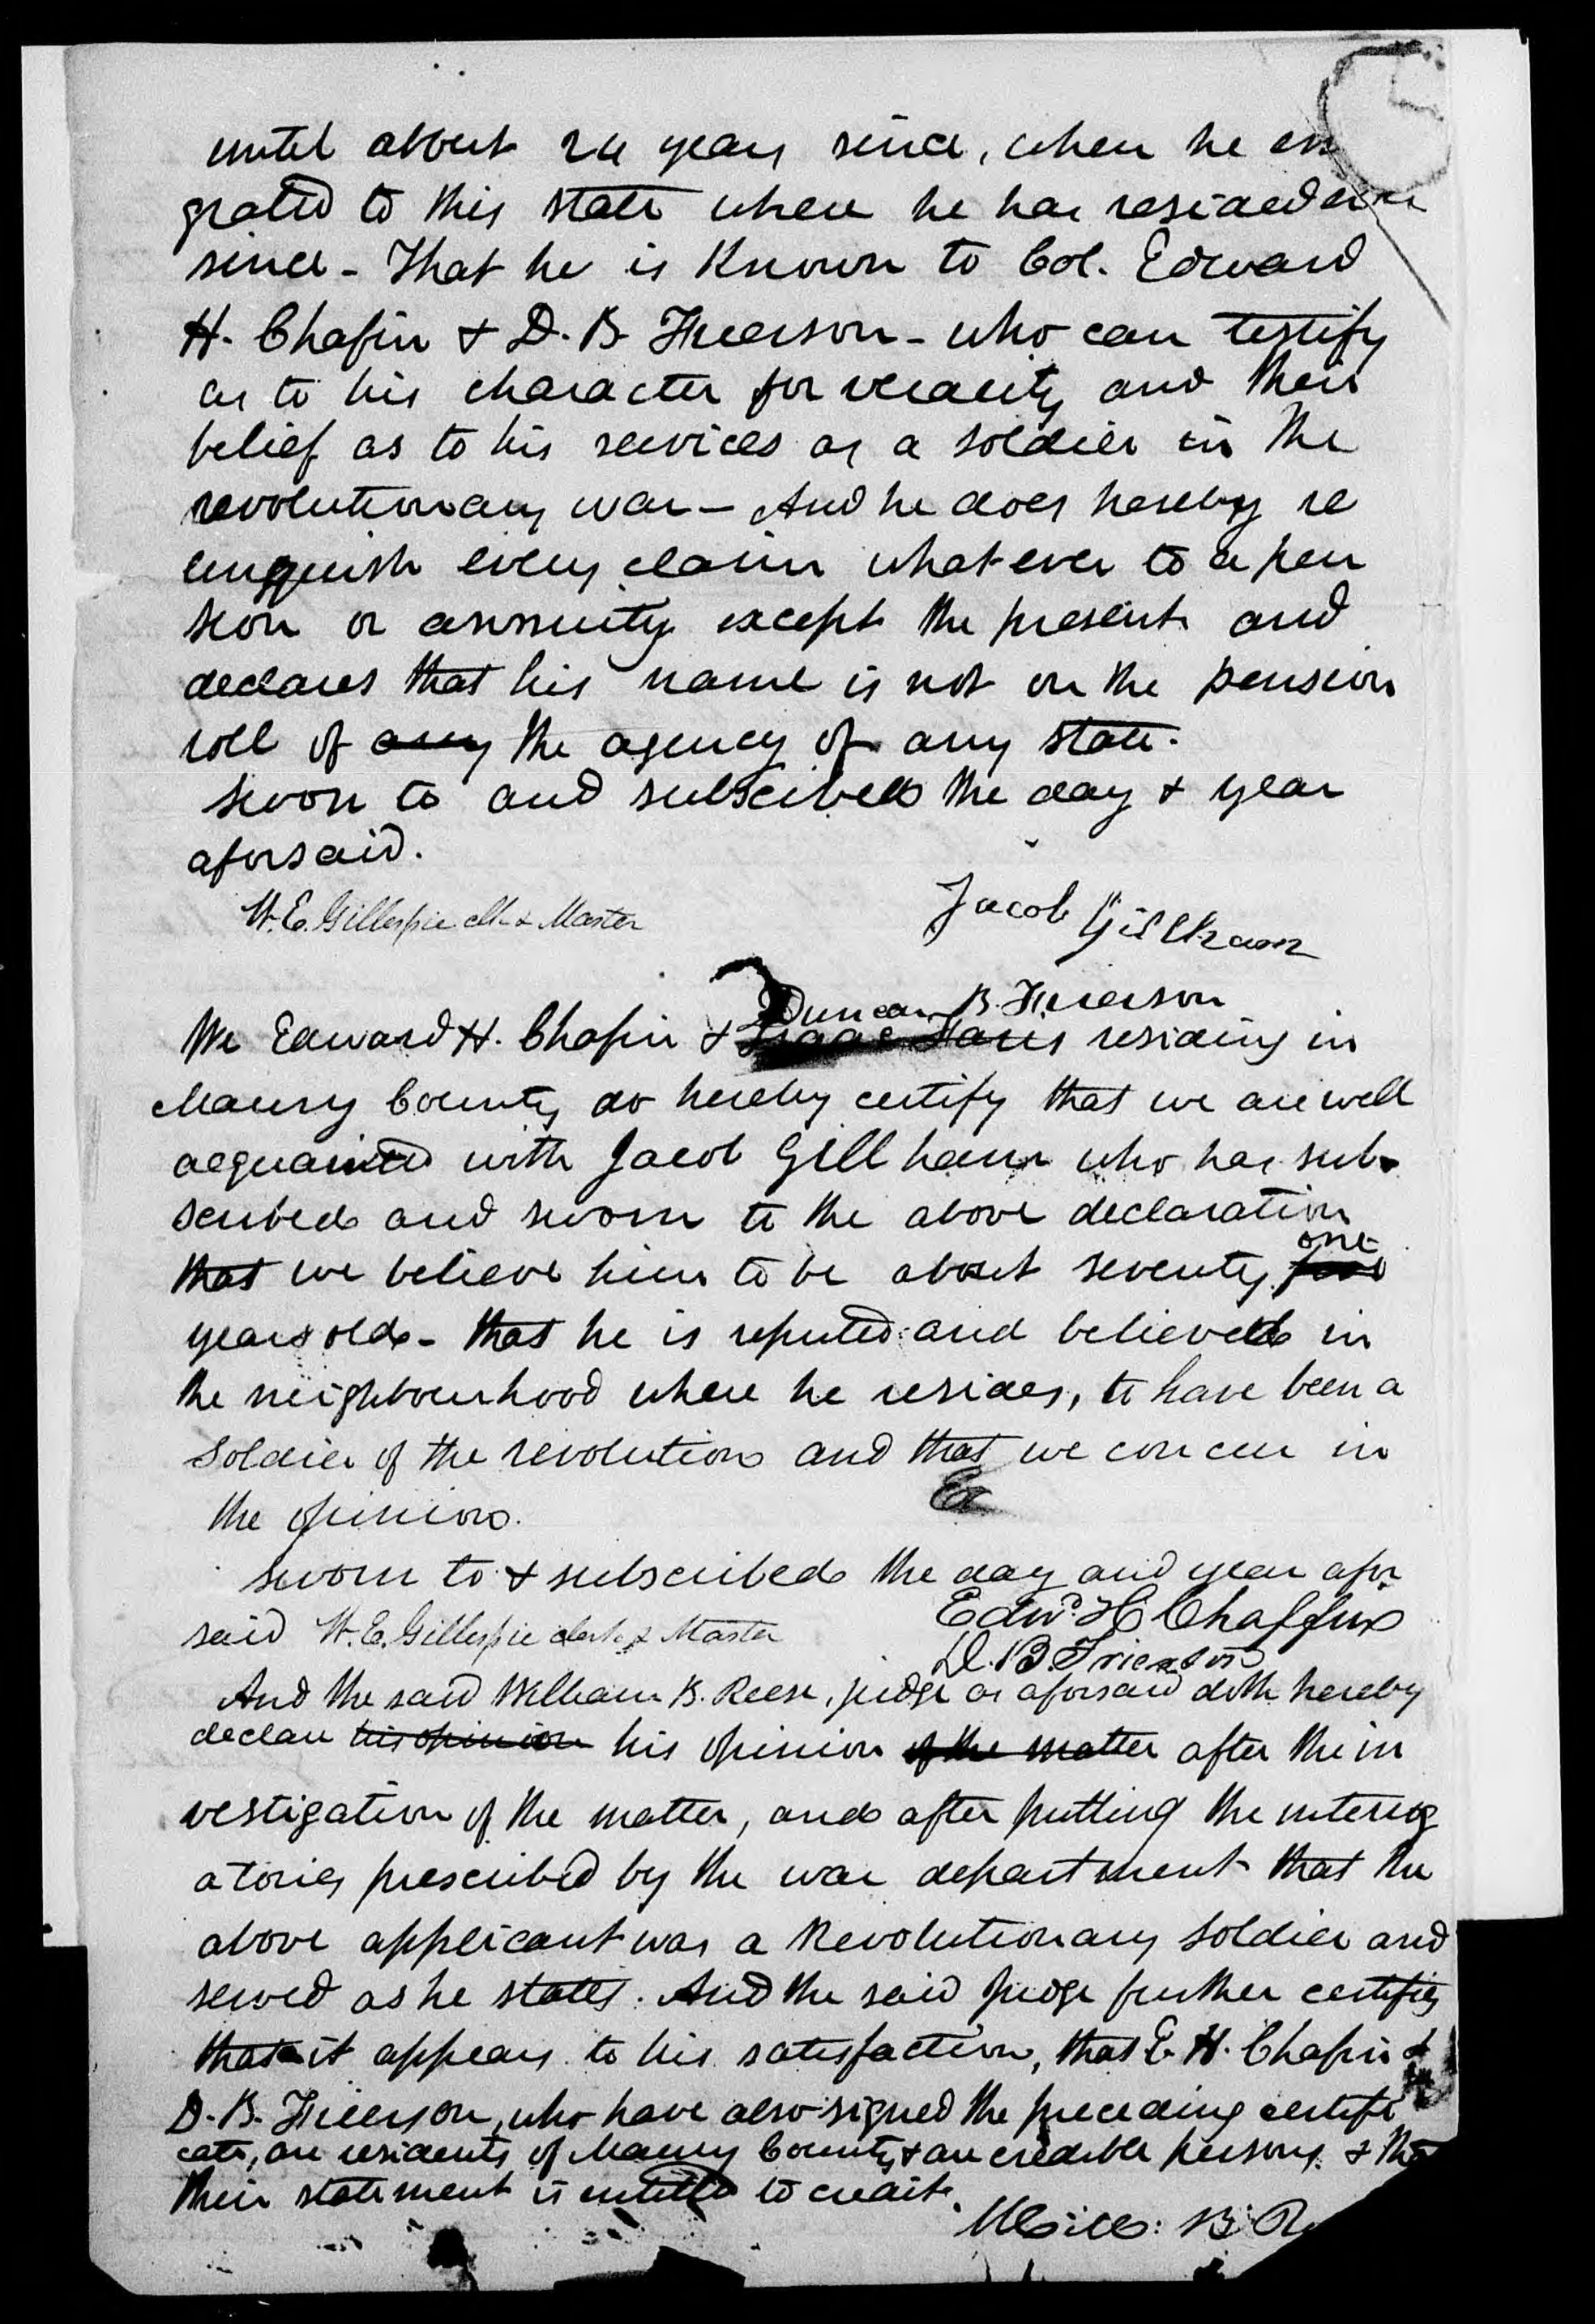until about 24 years since where he en
grated to this state where he has resided ever since That he is known to Col Edward H Chafin & DB Frierson who can testify as to his character for veracity and their belief as to his services as a soldier in the revolutionary war And he does hereby relinquish every claim whatever to a pension or annuity except the present and declares that his name is not on the pension roll of the agency of any state
Sworn to and subscribed the day & year aforesaid
W E Gillespie clk  & Master   Jacob Gillham

We Edward H Chafin & Duncan B Frieson residing in Maury County do hereby certify that we are well acquainted with Jacob Gillham who has subscribed and sworn to the above declaration that we believe him to be about seventy one years old that he is reputed and believed in the neighbourhood where he resides to have been a soldier of the revolution and that we concur in the opinion
Sworn to & subscribed the day and year afor said
W E Gillespie clerk  Master Edwd H Chaffin
DB Frieson
And the said William B Reese judge as aforesaid doth hereby declare his opinion after the investigation of the matter and after putting the interrogatories prescribed by the war department that the above applicant was a Revolutionary soldier and served as he states And the said judge further certify that it appears to his satisfaction that EH Chafin & DB Frierson who have also signed the preceding certificate are residents of Maury County & are credible persons & that their statement is entitled to credit 
Will B R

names: Edward H Chafin, D B Frierson, Edwd H Chaffin, William B Reese, D B Frierson, W E Gillespie, D B Frierson, W E Gillespie, Jacob Gillham, E H Chafin, Duncan B Frierson, Will B Reese, Jacob Gillham, Edward H Chafin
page: 8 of 17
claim: survivor's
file: S 3397, Jacob Gillham, S.C.